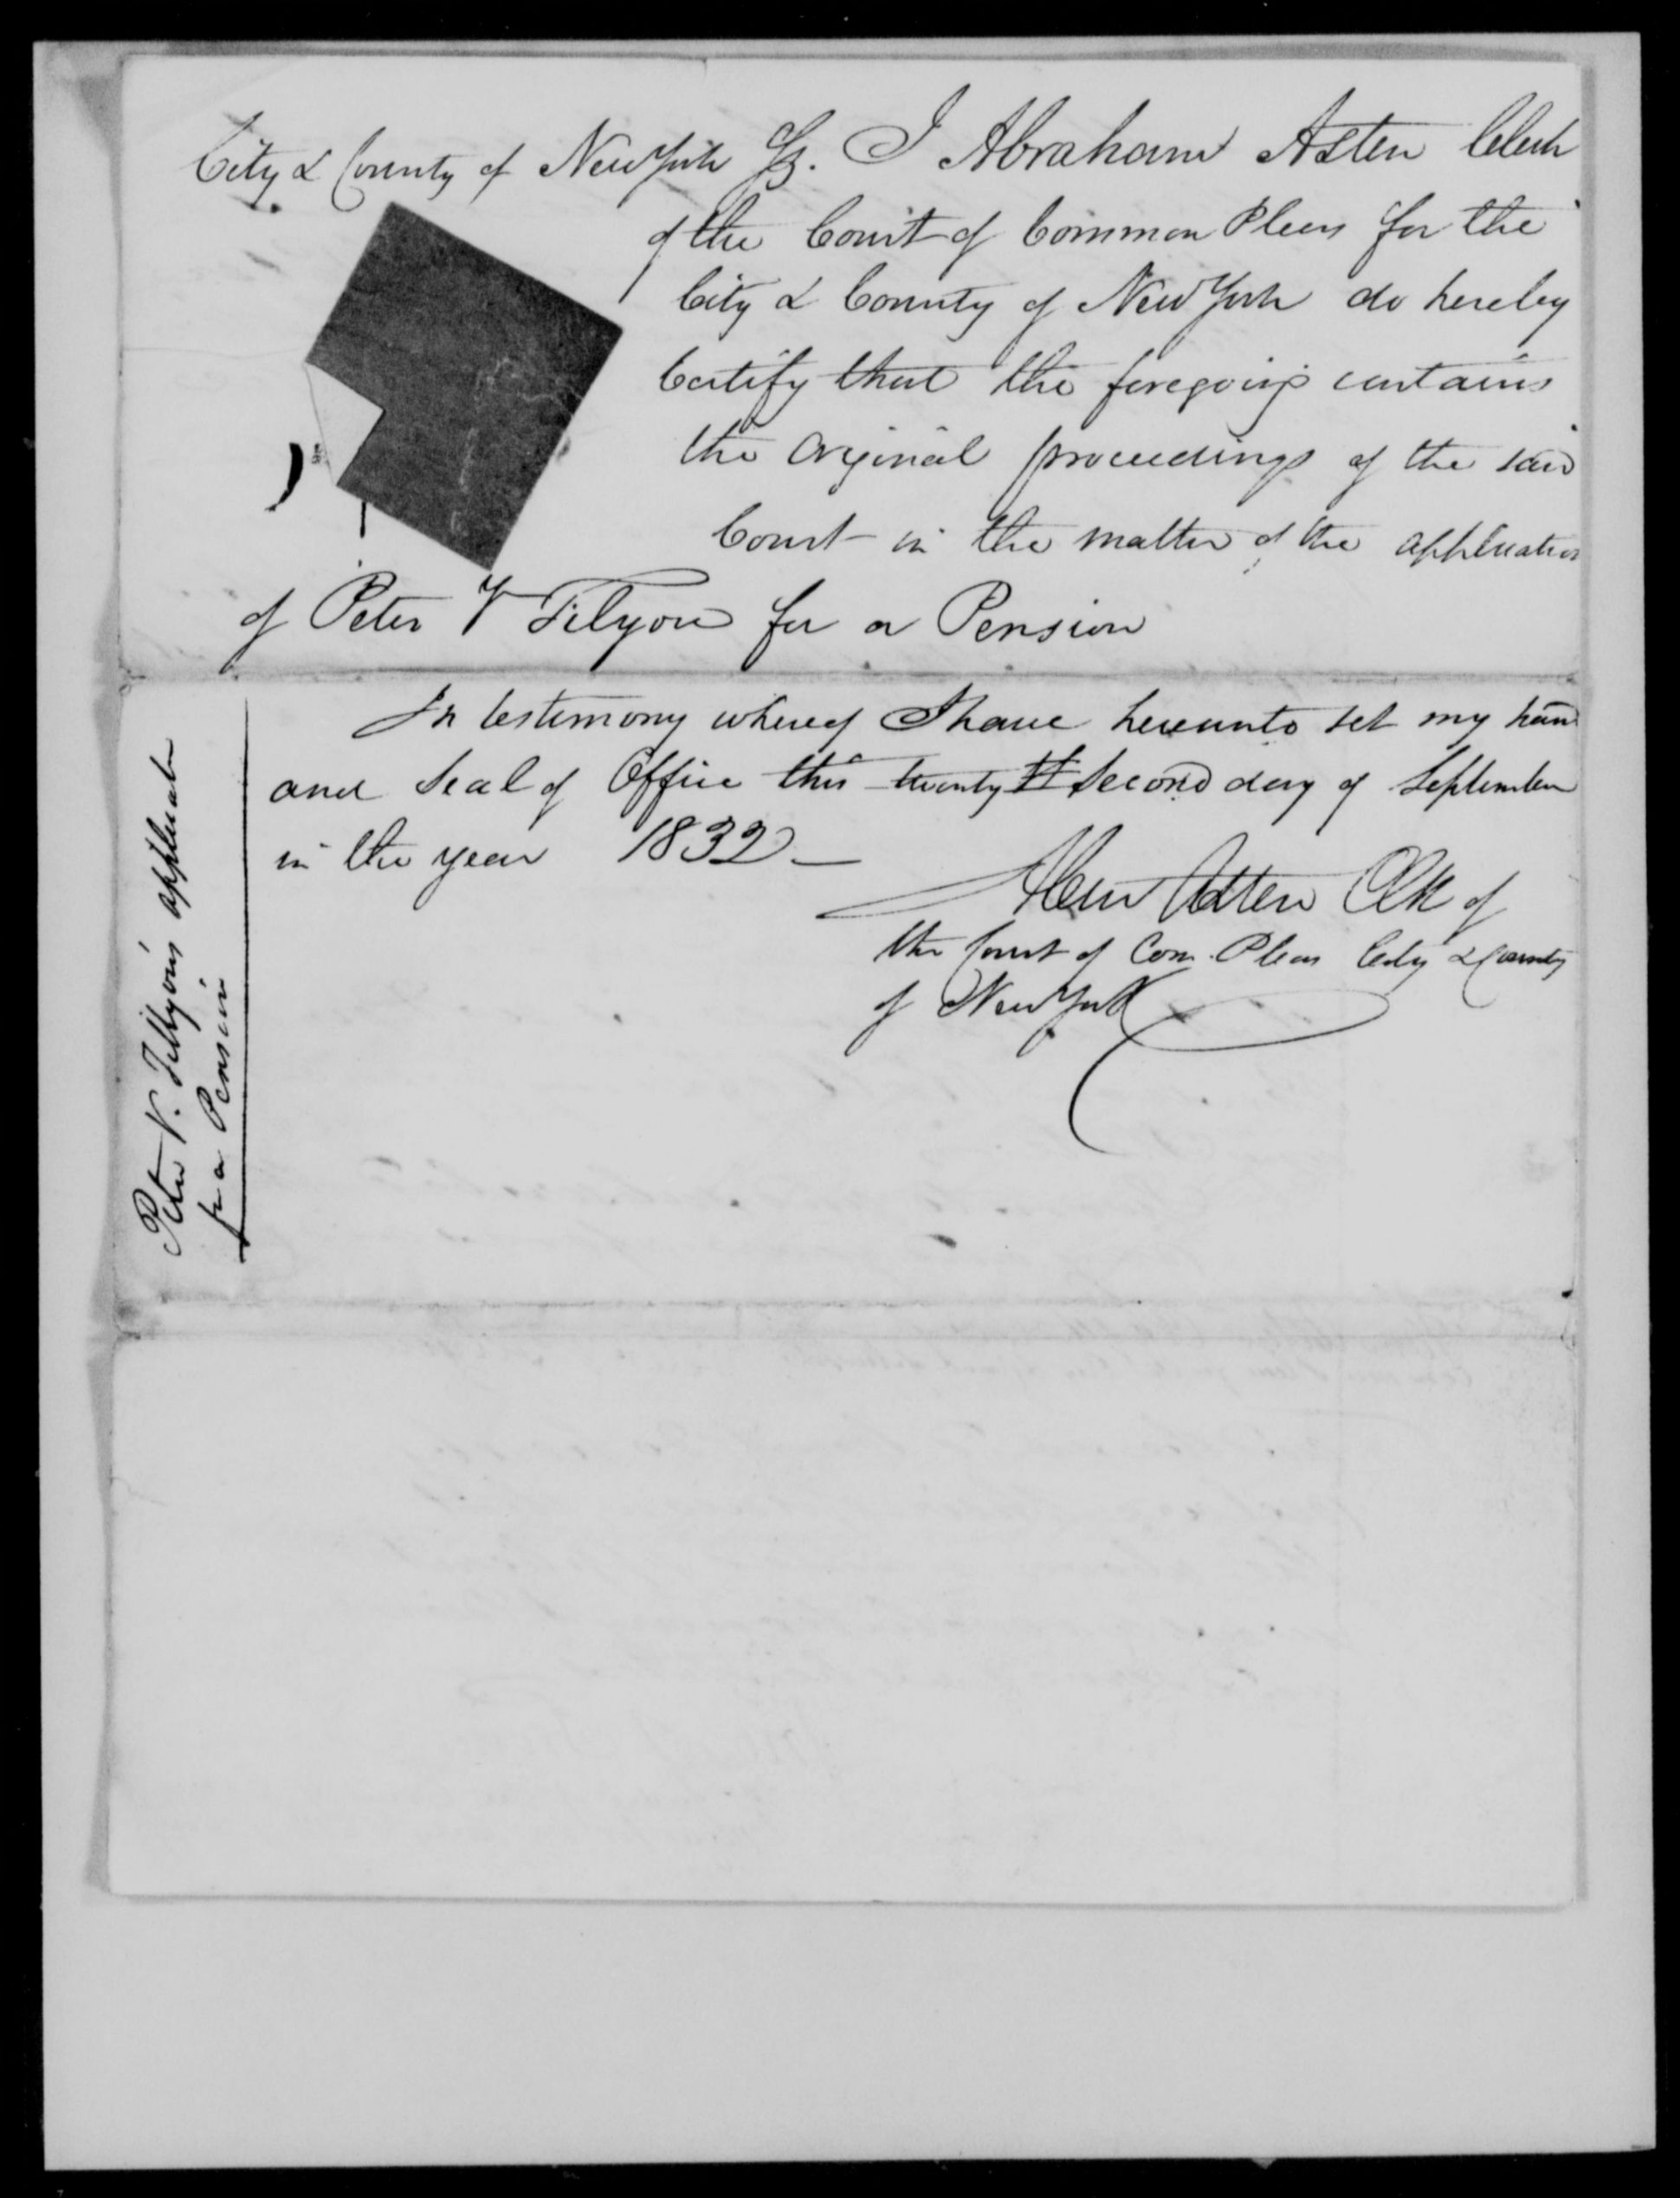City & County of New York Ss. I Abraham Asten Clerk of the Court of Common Pleas for the City & County of New York do hereby certify that the foregoing contains the original proceedings of the said court in the matter of the application of Peter V. Tilyou for a Pension.

In testimony whereof I have hereunto set my hand and Seal of Office this twenty Second day of September in the year 1832 -

Abr Asten Clk of the Court of Com. Pleas City & County of New York

[Along left hand margin]: Peter V. Tilyou's applicat [application] for a Pension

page: 8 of 101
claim: widow's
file: W. 25481, for Peter V Tilyou, New Jersey